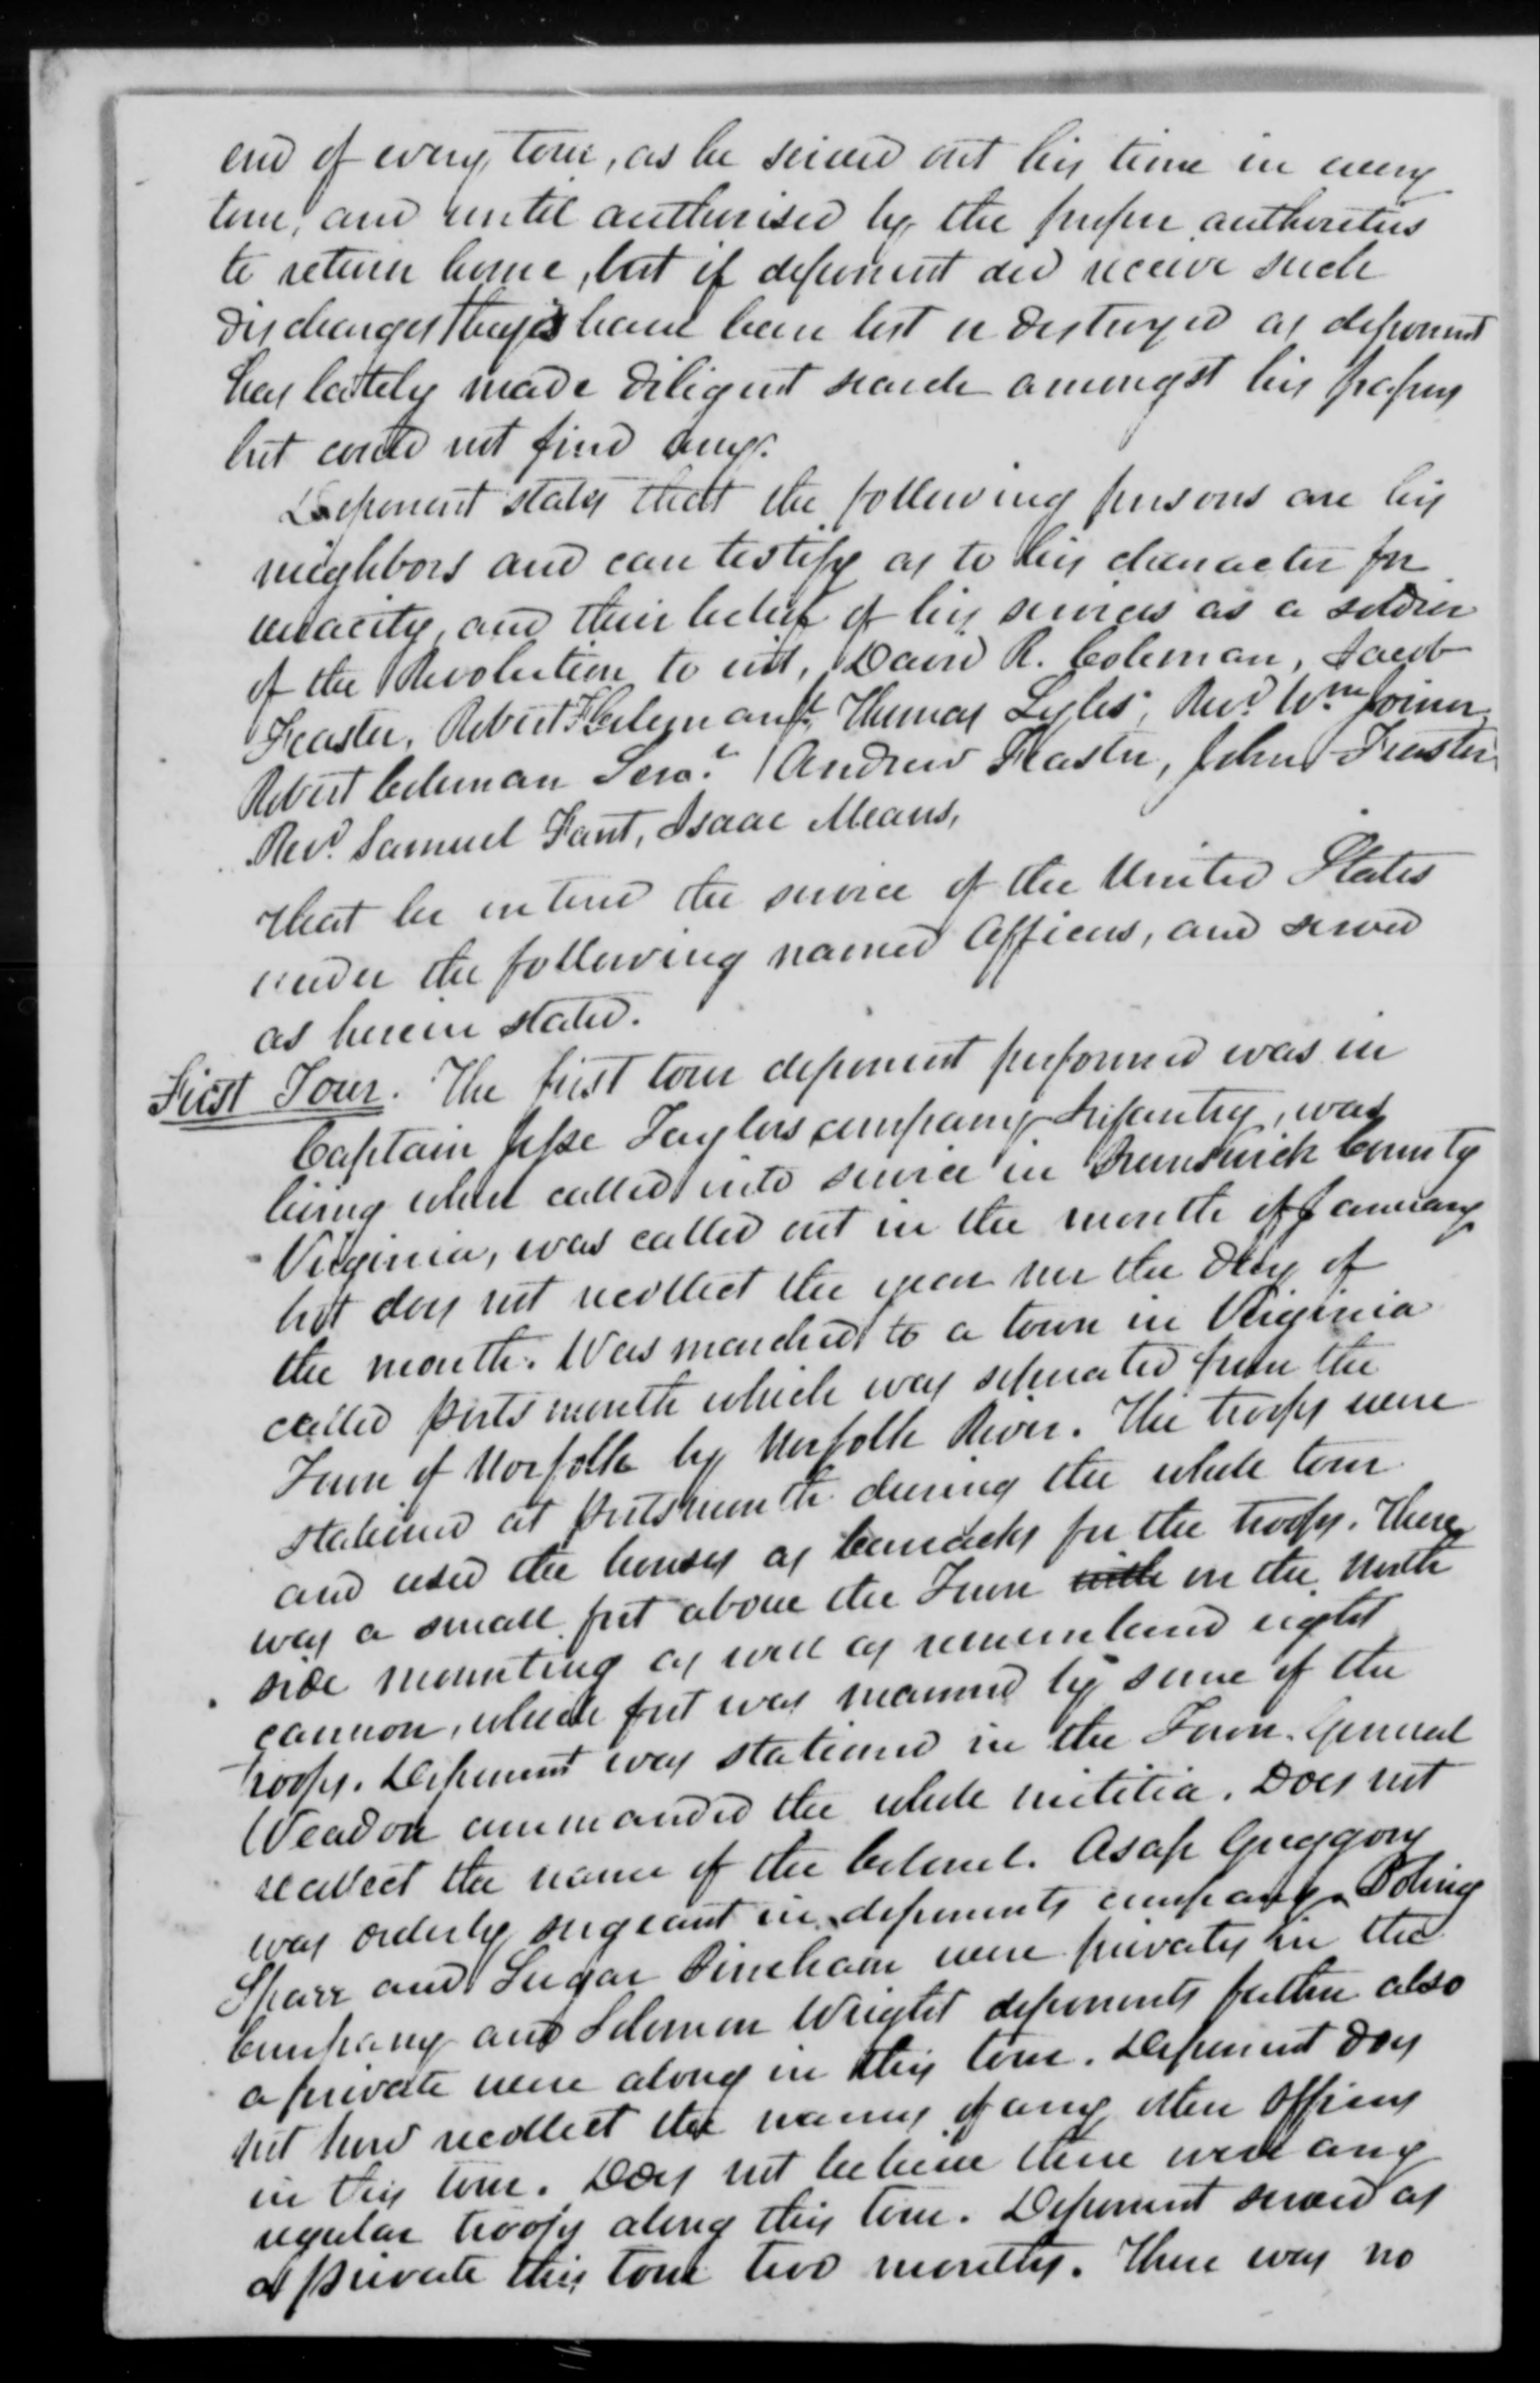end of every tour, as he served out his time in every tour, and until authorised by the proper authorities to return home, but if deponent did receive such discharges they have been lost or destroyed as deponent has lately made diligent search amongst his papers but could not find any.
Deponent states that the following persons are his neighbors and can testify as to his character for veracity, and their belief of his services as a soldier of the Revolution to wit, David R. Coleman, Jacob Feaster, Robert F Coleman and Thomas Lyles, Revd. Wm. Joiner, Robert Coleman Senr. Andrew Feaster, John Feaster, Revd. Samuel Fant, Isaac Means,
That he entered the service of the United States under the following named Officers, and served as herein stated.
First Tour. The first tour deponent performed was in Captain Jesse Taylors company & infantry, was living while called into service in Brunswick County Virginia, was called out in the month of January but does not recollect the year nor the day of the month. Was marched to a town in Virginia called Portsmouth which was separated from the Town of Norfolk by Norfolk River. The troops were stationed at Portsmouth during the whole tour and aided the houses as barracks for the troops. There was a small fort above the Town in the North side mounting as well as remembered eight cannon, which fort was named by some of the troops. Deponent was stationed in the Fort. General Weadon commanded the whole militia. Does not recollect the name of the Colonel. Asap Greggory was orderly sergeant in deponents company Boling Sparr and Sugar Dincham were privates in the Company and Solomon Wright deponents further also a private were along in this tour. Deponent does not now recollect the names of any other officers in this time. Does not believe there were any regular troops along this time. Deponent served as a private this tour two months. There was no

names: Thomas Lyles, Jacob Feaster, John Feaster, Wm Joiner, Andrew Feaster, Solomon Wright, Isaac Means, Lugar Bineham, Boling Sparr, Weadon, David R Coleman, Samuel Fant, Asap Greggory, Robert F Coleman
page: 11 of 81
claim: widow's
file: W. 5183, Bolling Wright, Va.